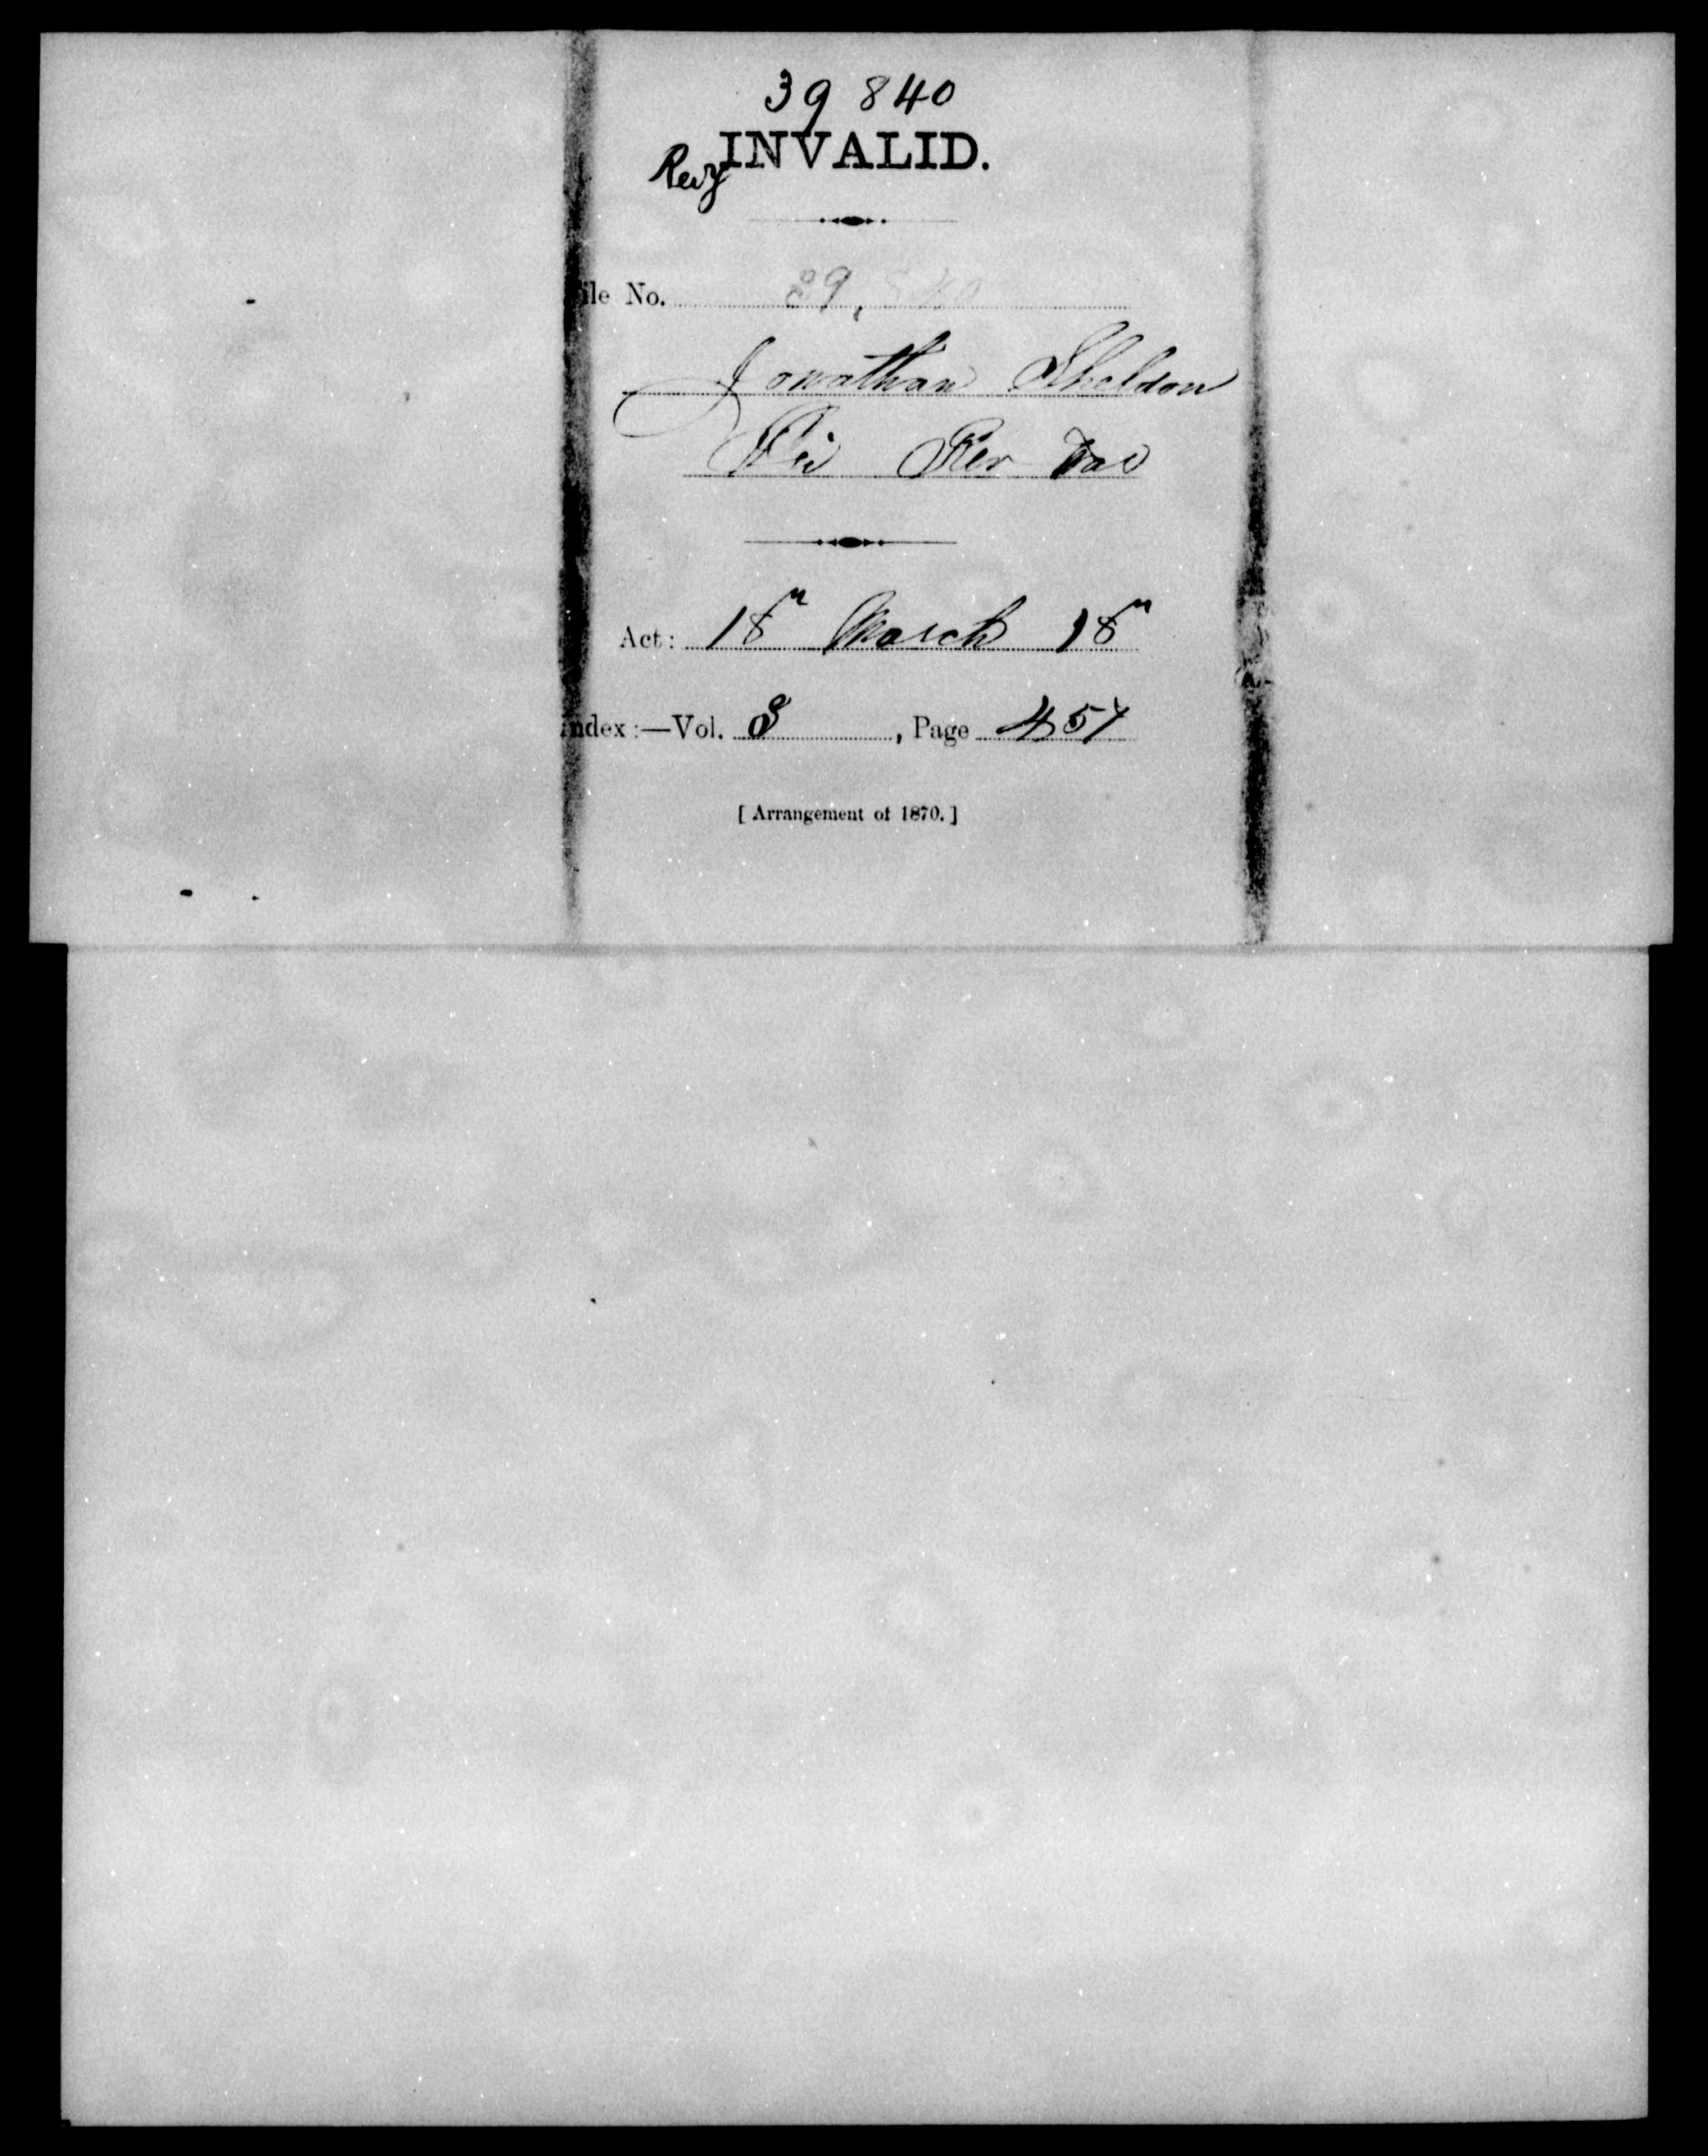39840
INVALID
Revy

File No. 39840
Jonathan Sheldon
[illegible] Rev War

Act: 18 March 18
Index: ----Vol. 3, Page 457

[Arrangement of 1870.]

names: Jonathan Sheldon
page: 2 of 11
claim: survivor's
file: S. 39840, for Jonathan Sheldon, Rhode Island